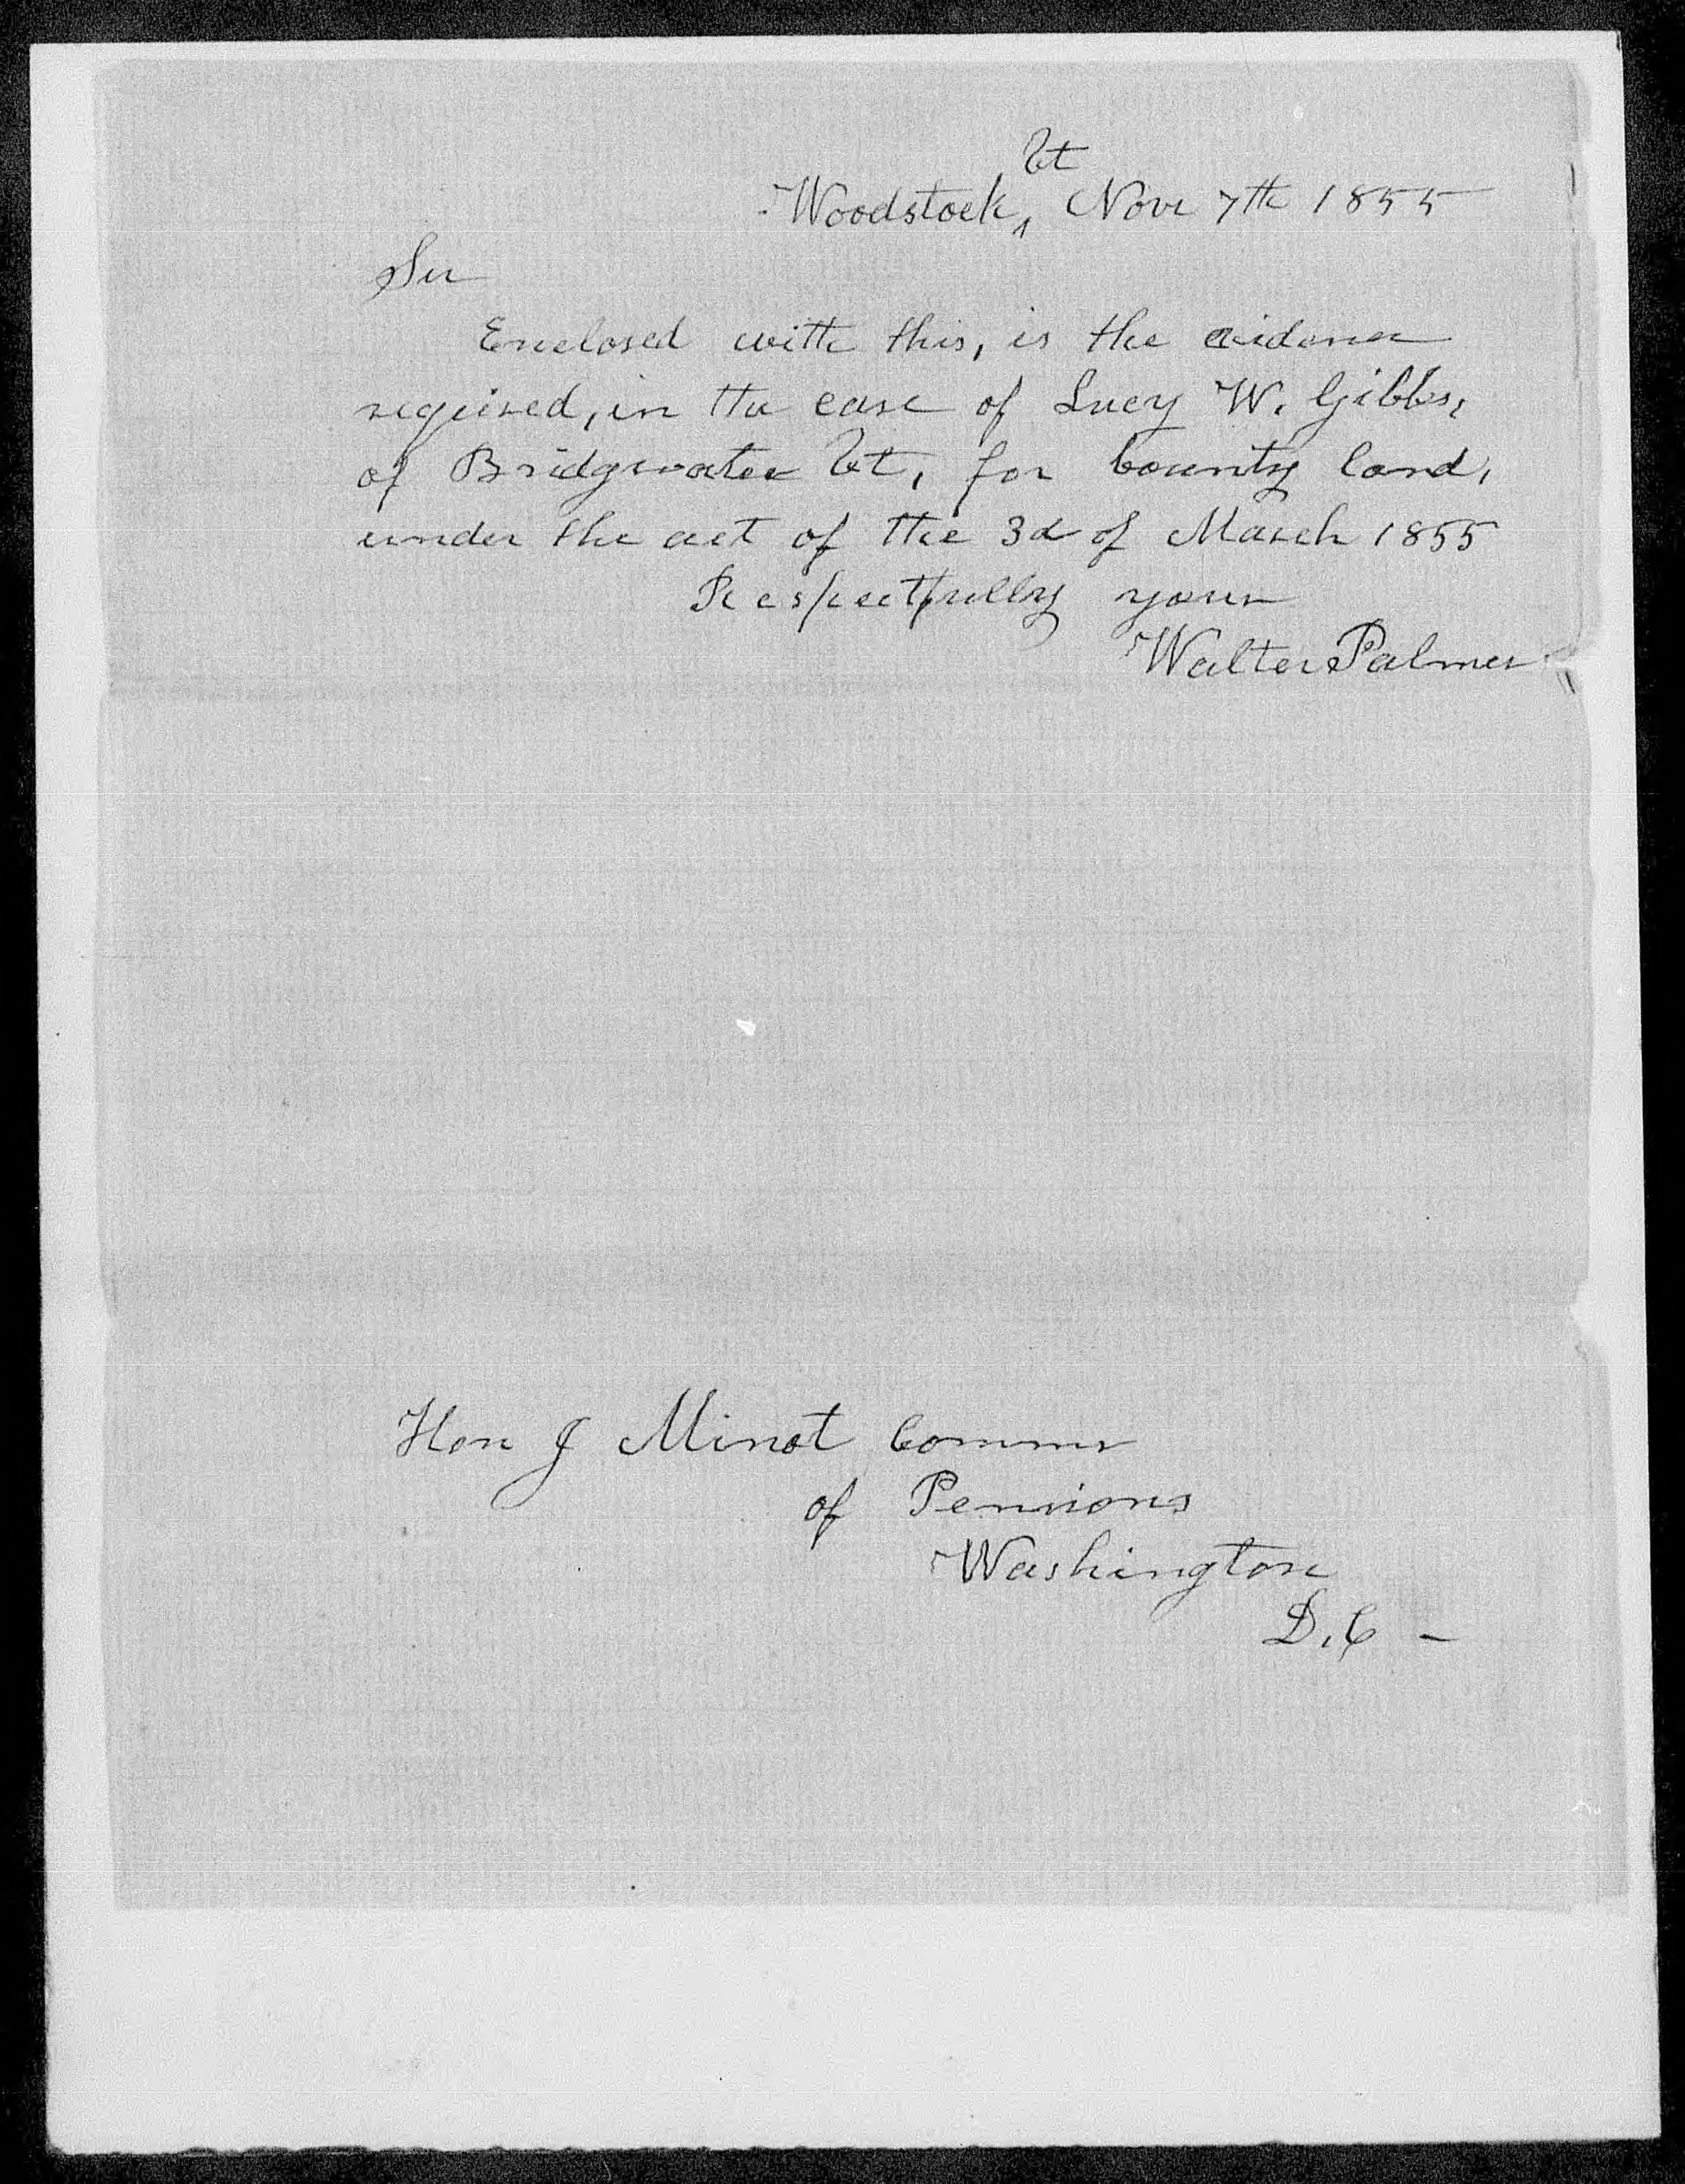Woodstock Vt Nov 7th 1855
Sir,
Enclosed with this is the evidence
required in the case of Lucy W. Gibbs,
 of Bridgewater Vt., for bounty land
under the act of the 3d of March 1855
Respectfully yours
Walter Palmer

Hon J Minot Comm'r of Pensions
Washington
D. C.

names: Walter Palmer, J Minot, Lucy W Gibbs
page: 23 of 33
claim: widow's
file: W. 4681, Josiah Gibbs, Mass